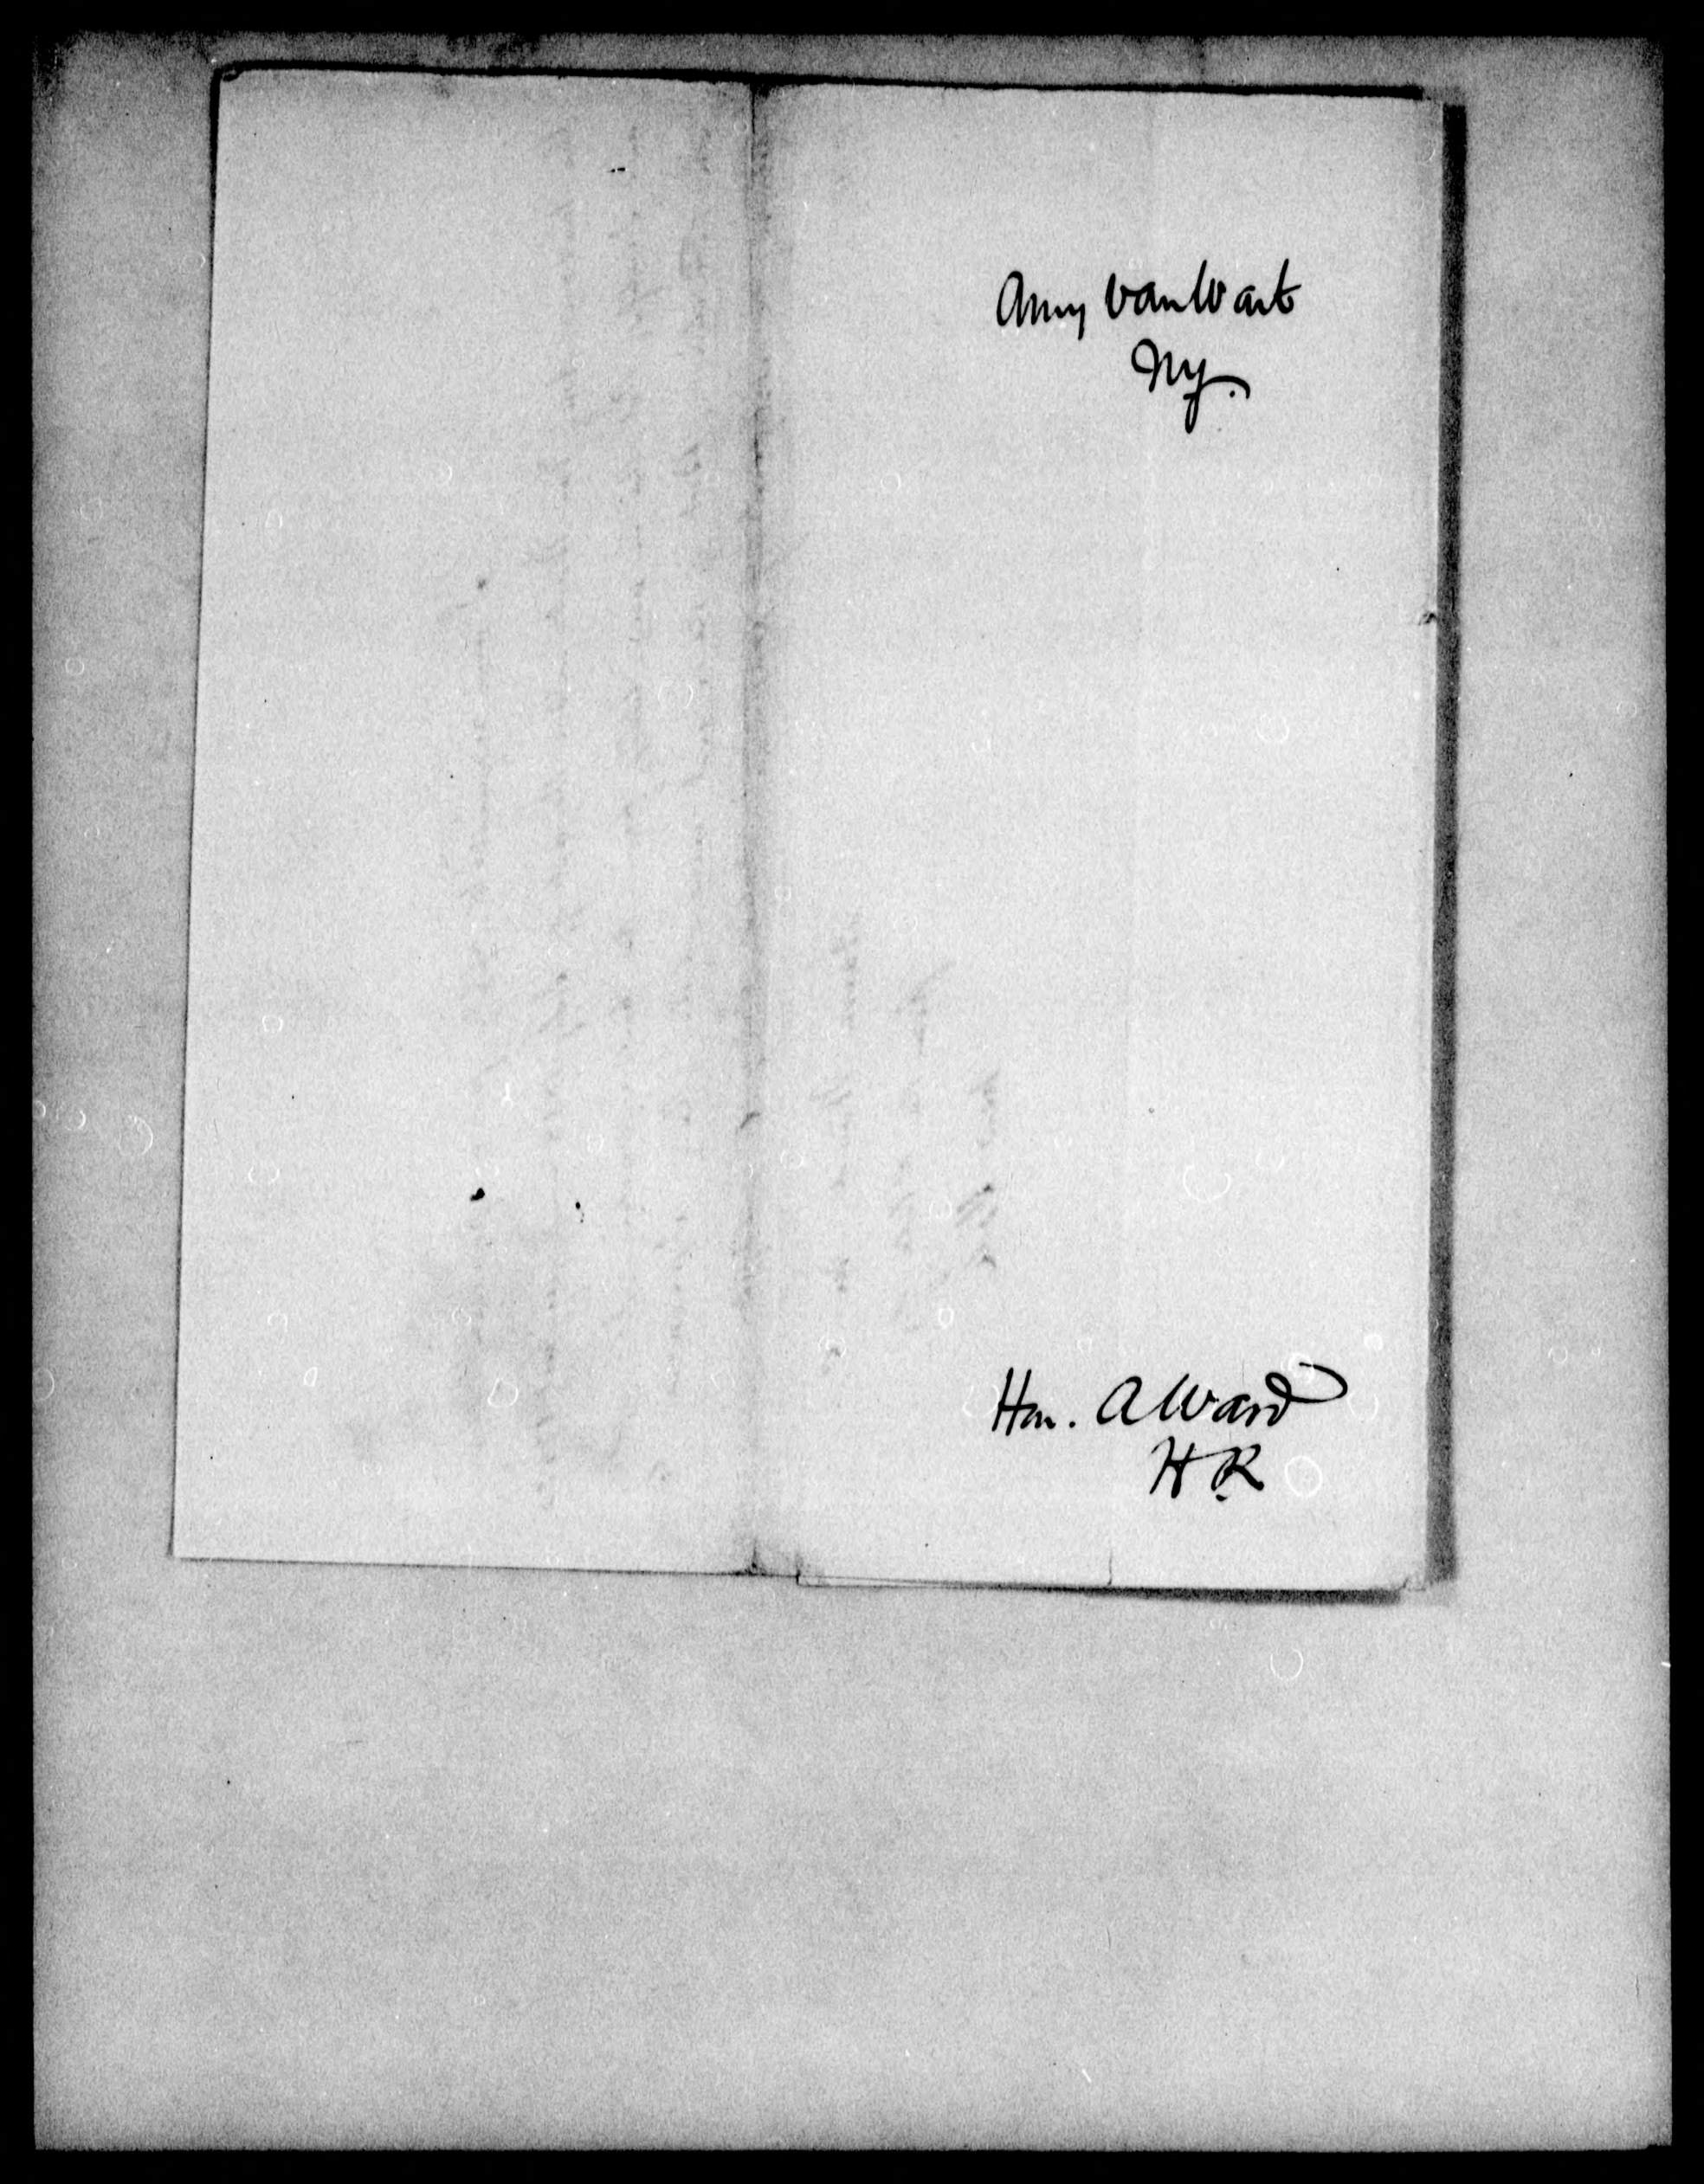Amy Van Wart
N.Y.

Hon. A Ward
H. R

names: A Ward, Amy Van Wart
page: 52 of 102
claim: widow's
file: W. 18239, Isaac Van Wart, New York